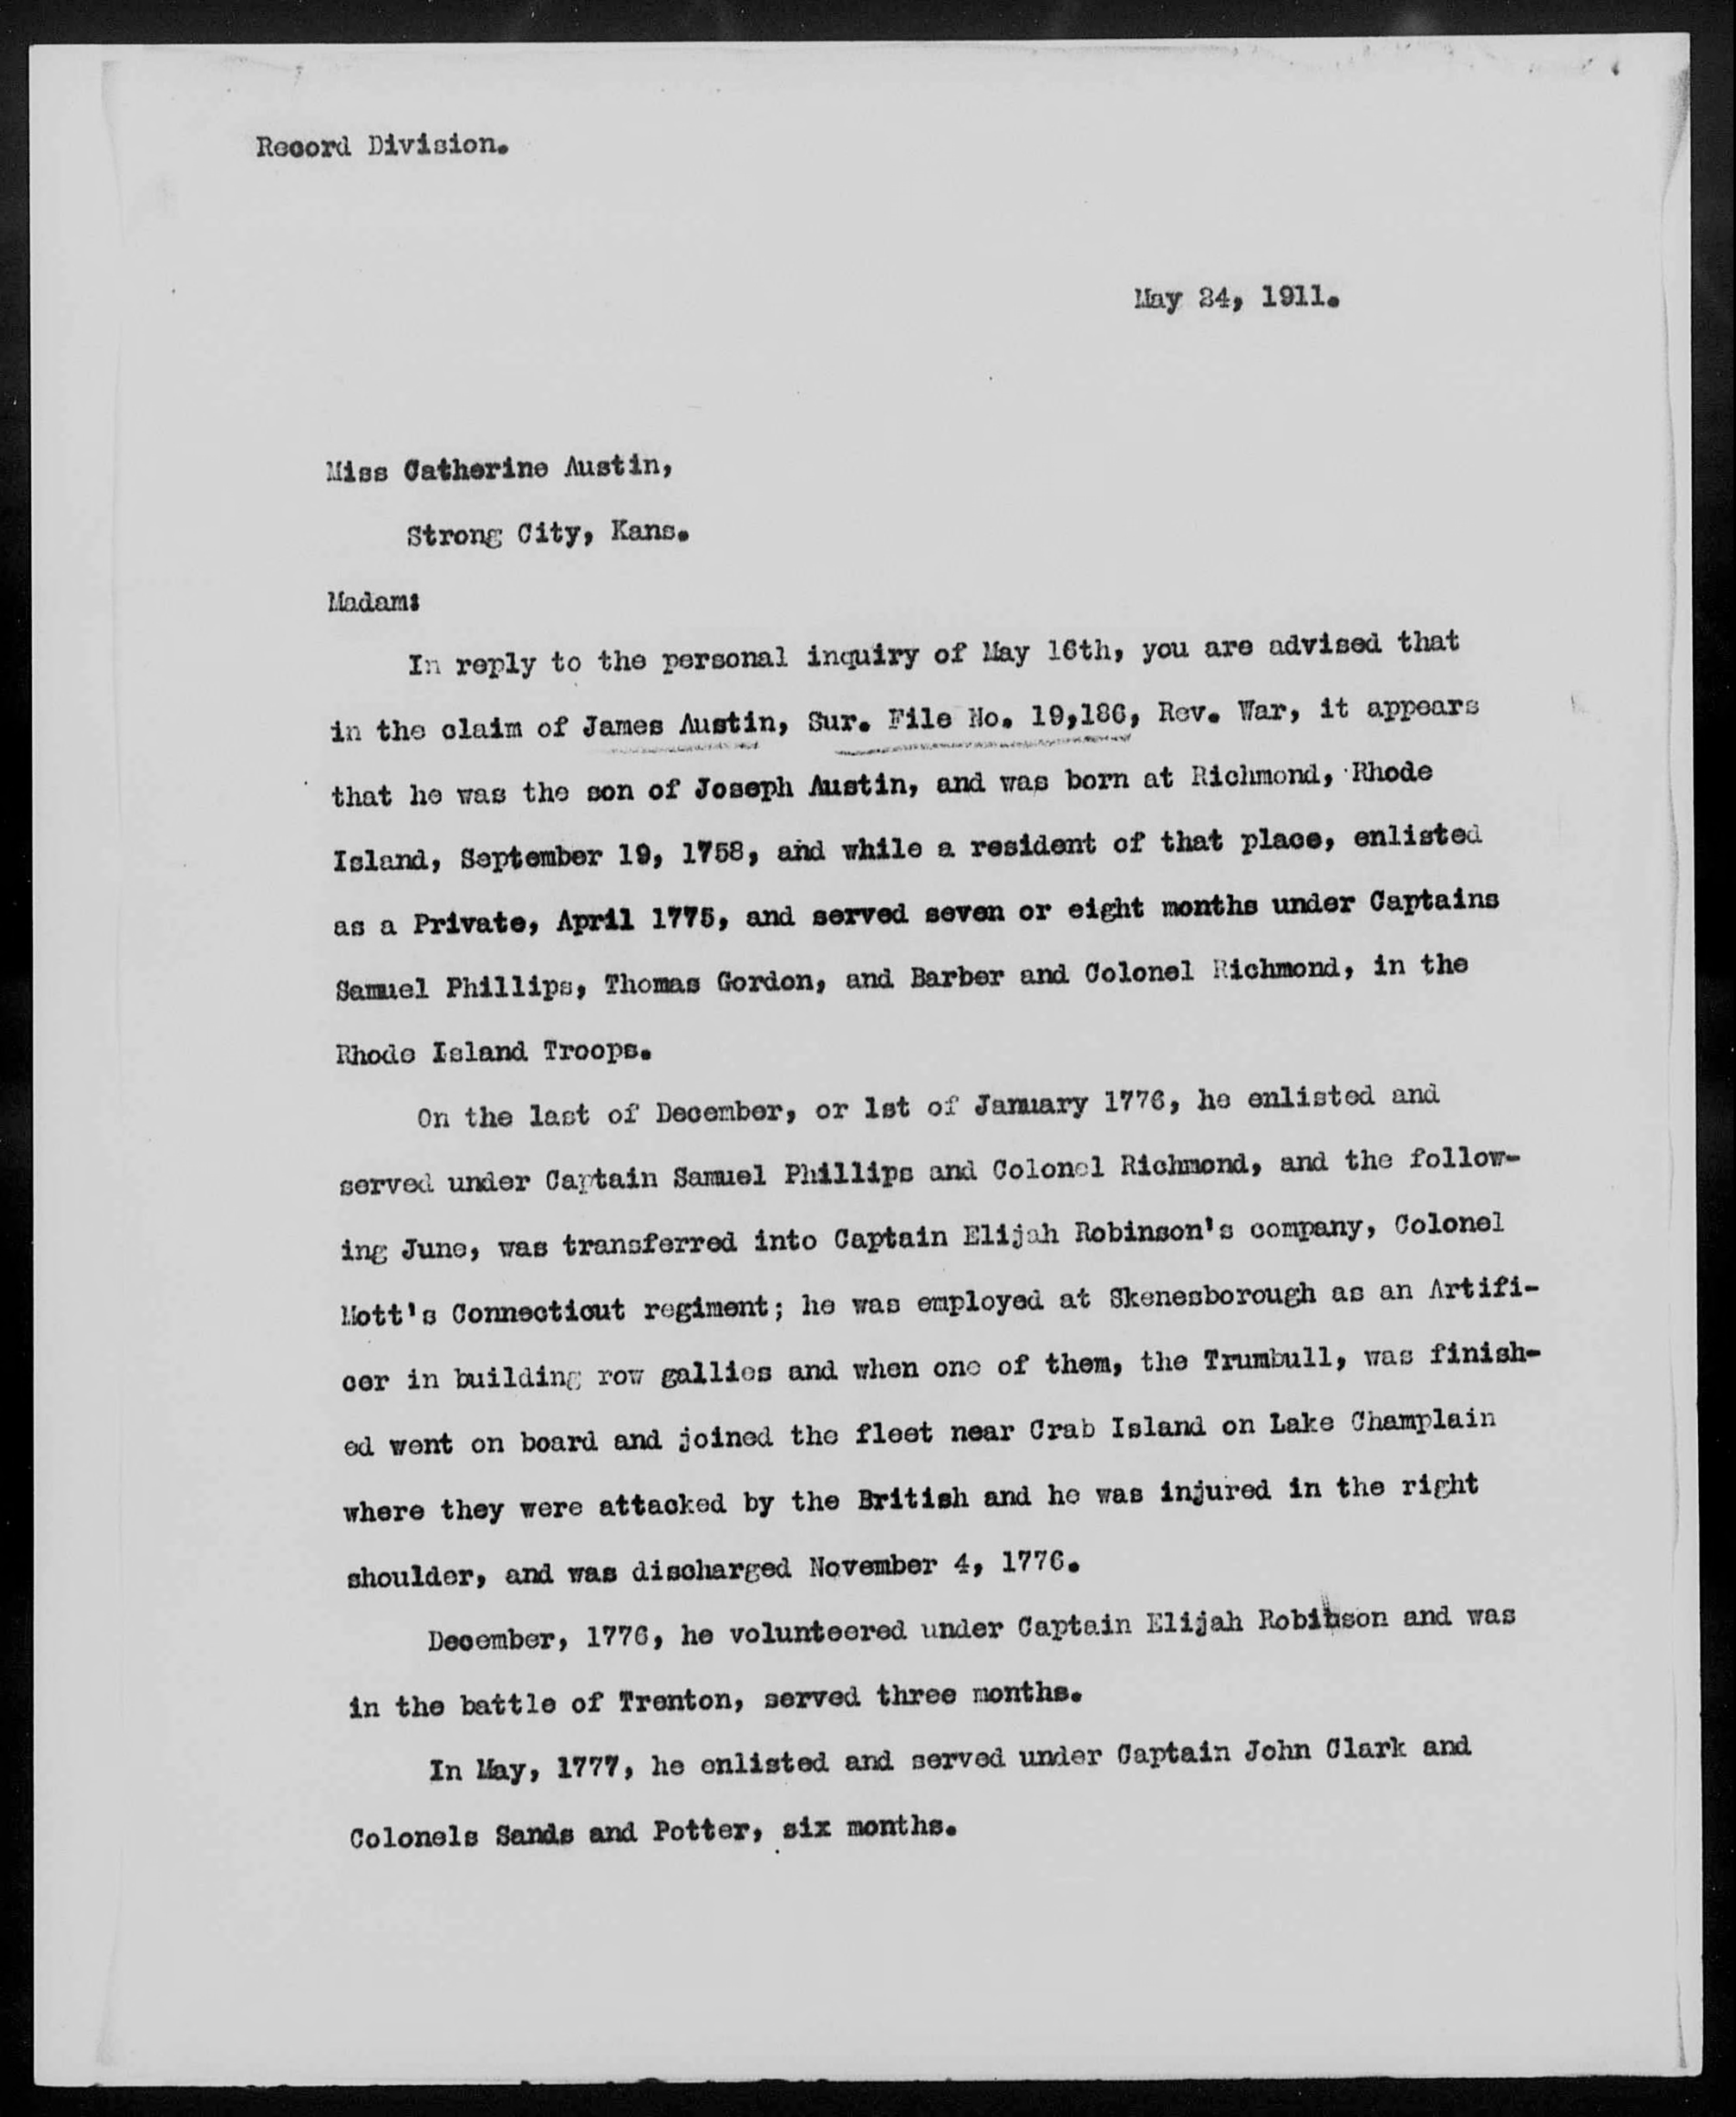Record Division.

May 24, 1911.

Miss Catherine Austin,
Strong City, Kans.

Madam:
In reply to the personal inquiry of May 16th, you are advised that in the claim of James Austin, Sur. File No. 19,186, Rev. War, it appears that he was the son of Joseph Austin, and was born at Richmond, Rhode Island, September 19, 1758, and while a resident of that place, enlisted as a Private, April 1775, and served seven or eight months under Captains Samuel Phillips, Thomas Gordon, and Barber and Colonel Richmond, in the Rhode Island Troops.
On the last of December, or 1st of January 1776, he enlisted and served under Captain Samuel Phillips and Colonel Richmond, and the following June, was transferred into Captain Elijah Robinsons's company, Colonel Mott's Connecticut regiment; he was employed at Skeensborough as an Artificer in building row gallies and when one of them, the Trumbull, was finished went on board and joined the fleet near Crab Island on Lake Champlain where they were attacked by the British and he was injured in the right shoulder, and was discharged November 4, 1776.
December, 1776, he volunteered under Captain Elijah Robinson and was in the battle of Trenton, served three months.
In May, 1777 he enlisted and served under Captain John Clark and Colonels Sands and Potter, six months.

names: Elijah Robinson, Potter, Samuel Phillips, Sands, Thomas Gordon, Catherine Austin, Barber, James Austin, Richmond, John Clark, Joseph Austin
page: 30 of 100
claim: survivor's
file: S 19186, James Austin, Conn. New York R.I.